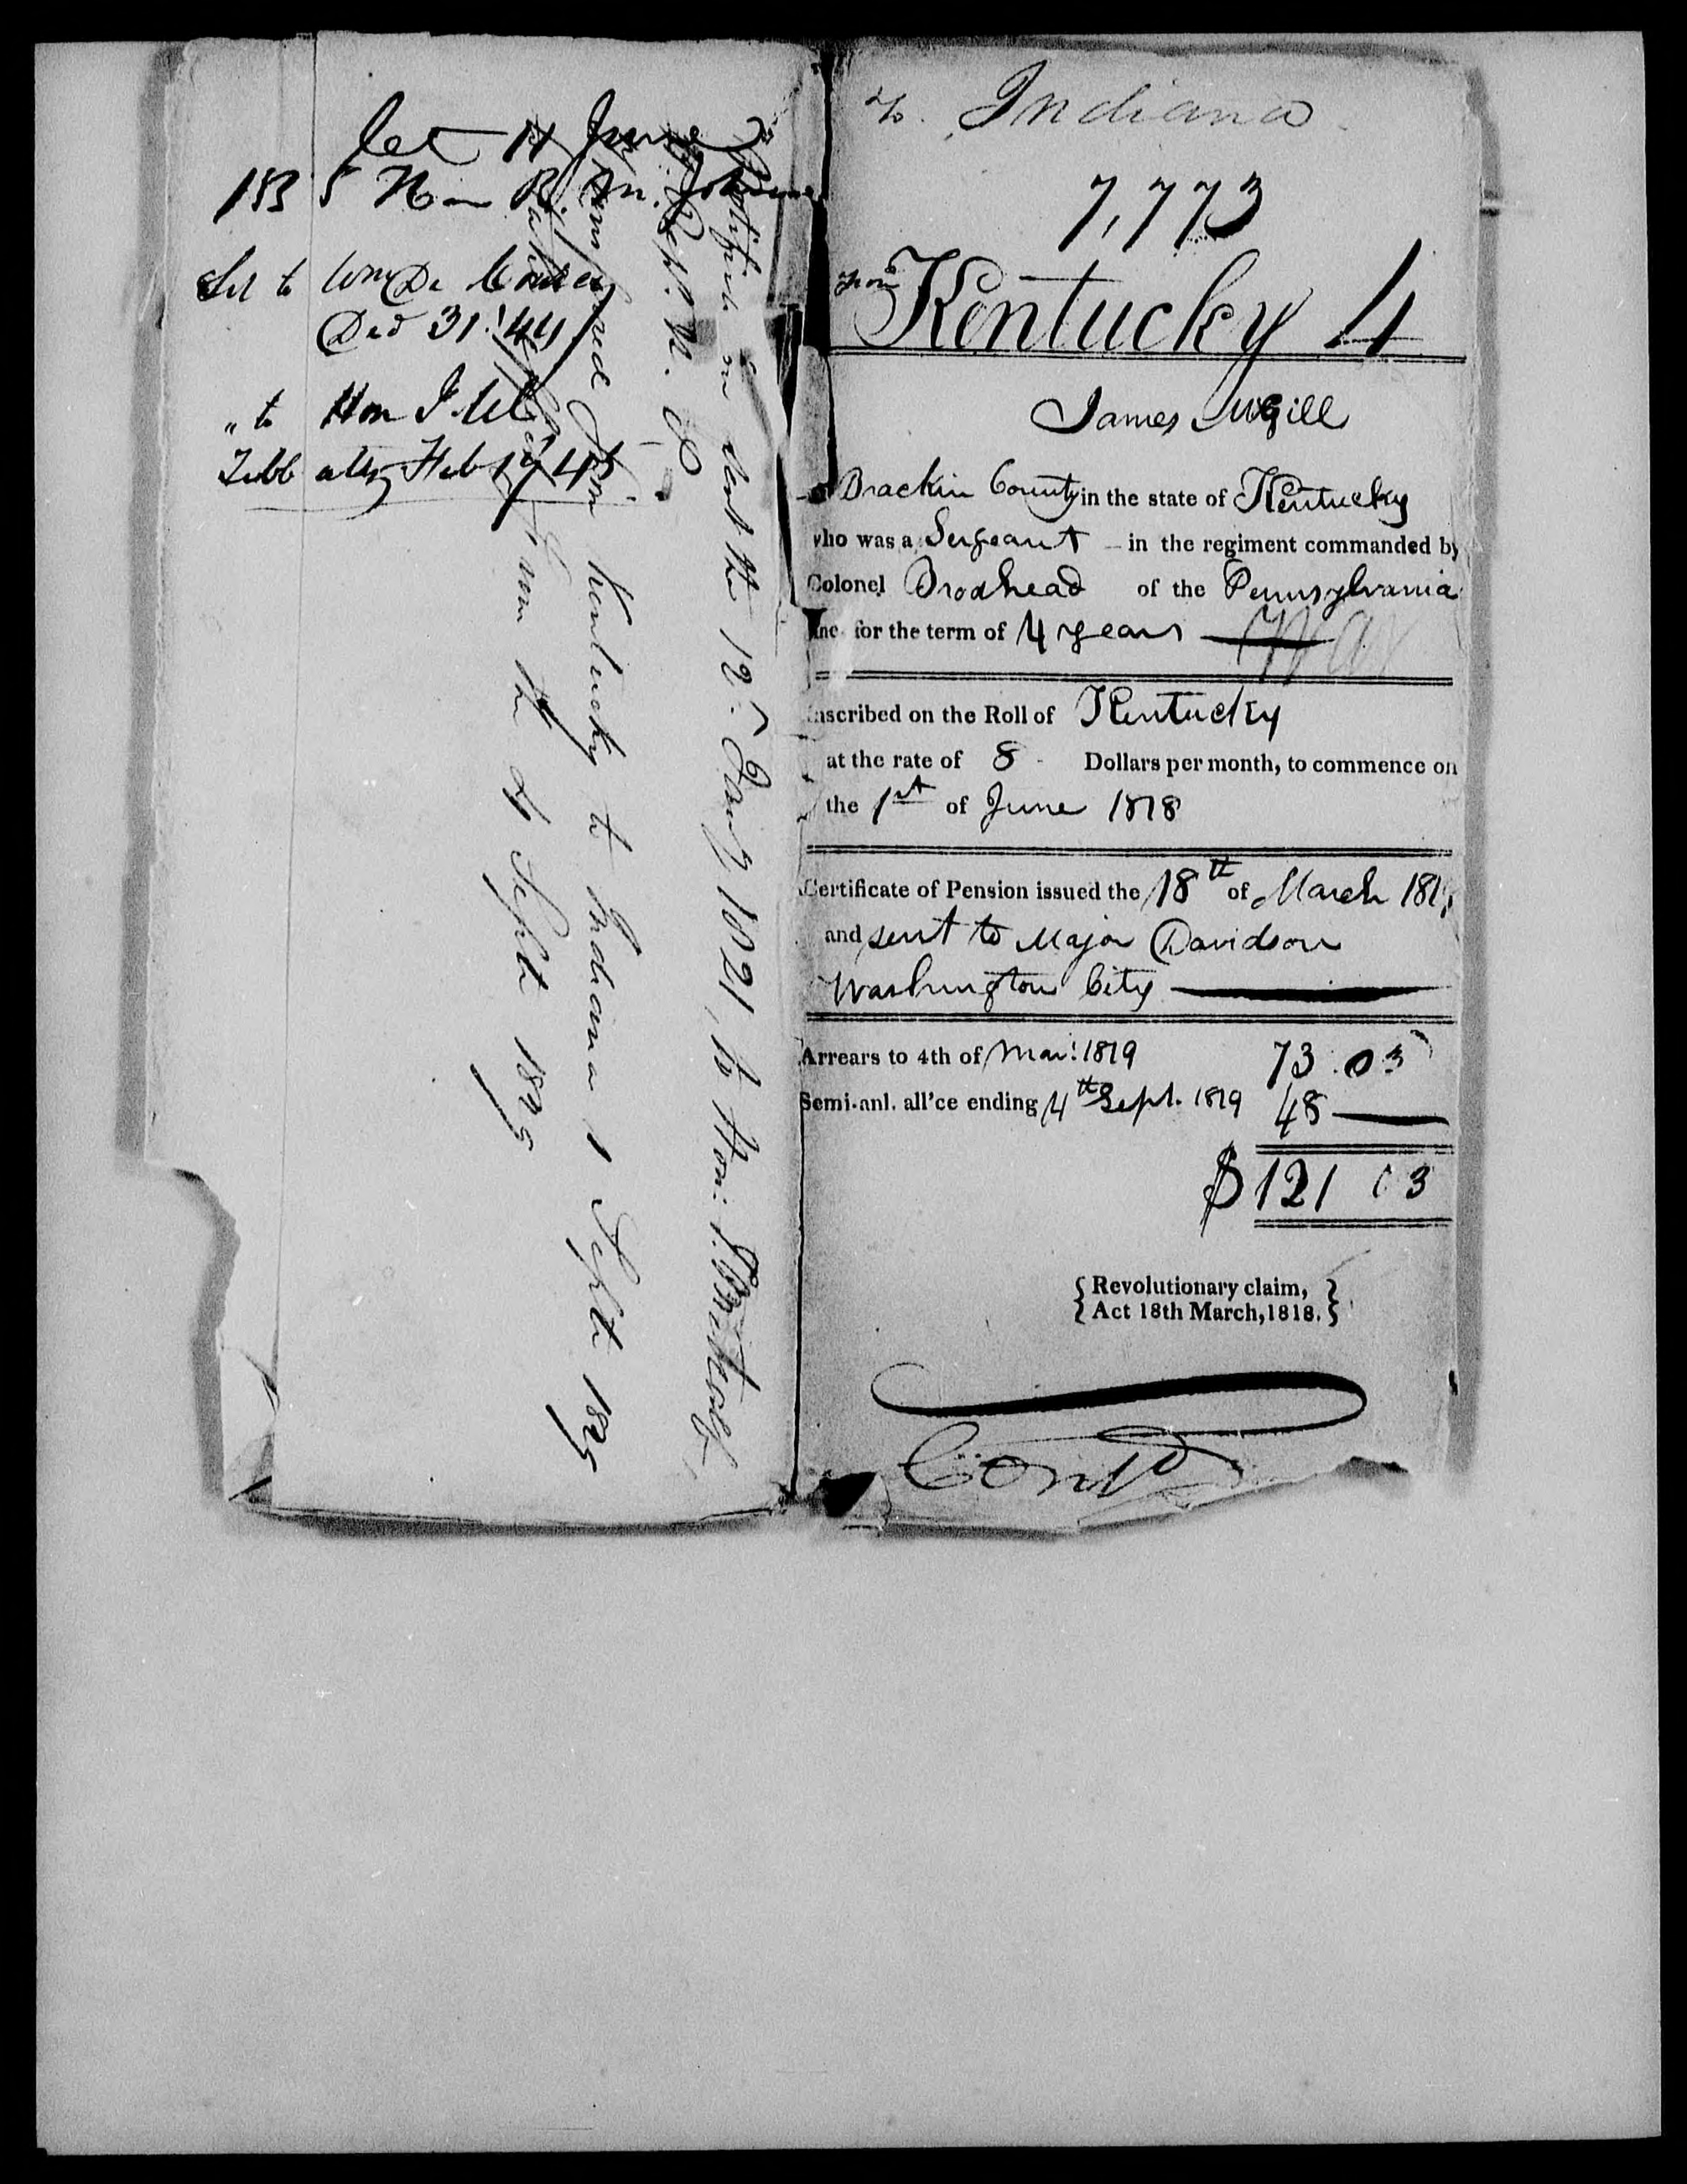[Left side]    
let  14 Jun 1835 Hon R. M. Johnson   
Sir 	to Wm DeCourcy   Dec 31  '44
to Hon I W Tubb Attny Feb 9 '45; 

[Sidebar] Notification is sent the 12 Jany 1821 to Hon. J Metcalf, Rept Is P; transferred from Kentucky to Indiana 1 Sept 1829 to take effect from the 4 Sept 1829

[Right side]   [Form]     To Indiana    7·773
From Kentucky 4    James McGill    Bracken County in the state of Kentucky who was a Sergeant in the regiment commanded by Colonel Brodhead of the Pennsylvania line
for the term of 4 years  _____  
Inscribed on the Roll of Kentucky at the rate of 8 Dollars per month, to commence on the 1st of June 1818.
Certificate of Pension issued the 18th of March 1819 and sent to Major Davidson, Washington City.
Arrears to 4th of Mar 1819                    	
Semi-anl, all'ce ending 4th Sept 1819   		
  73.03
  48.
$121.03     				
Revolutionary Claim, Act 18th March 1818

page: 2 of 71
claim: widow's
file: W. 8428, for James Mc Gill, Pennsylvania